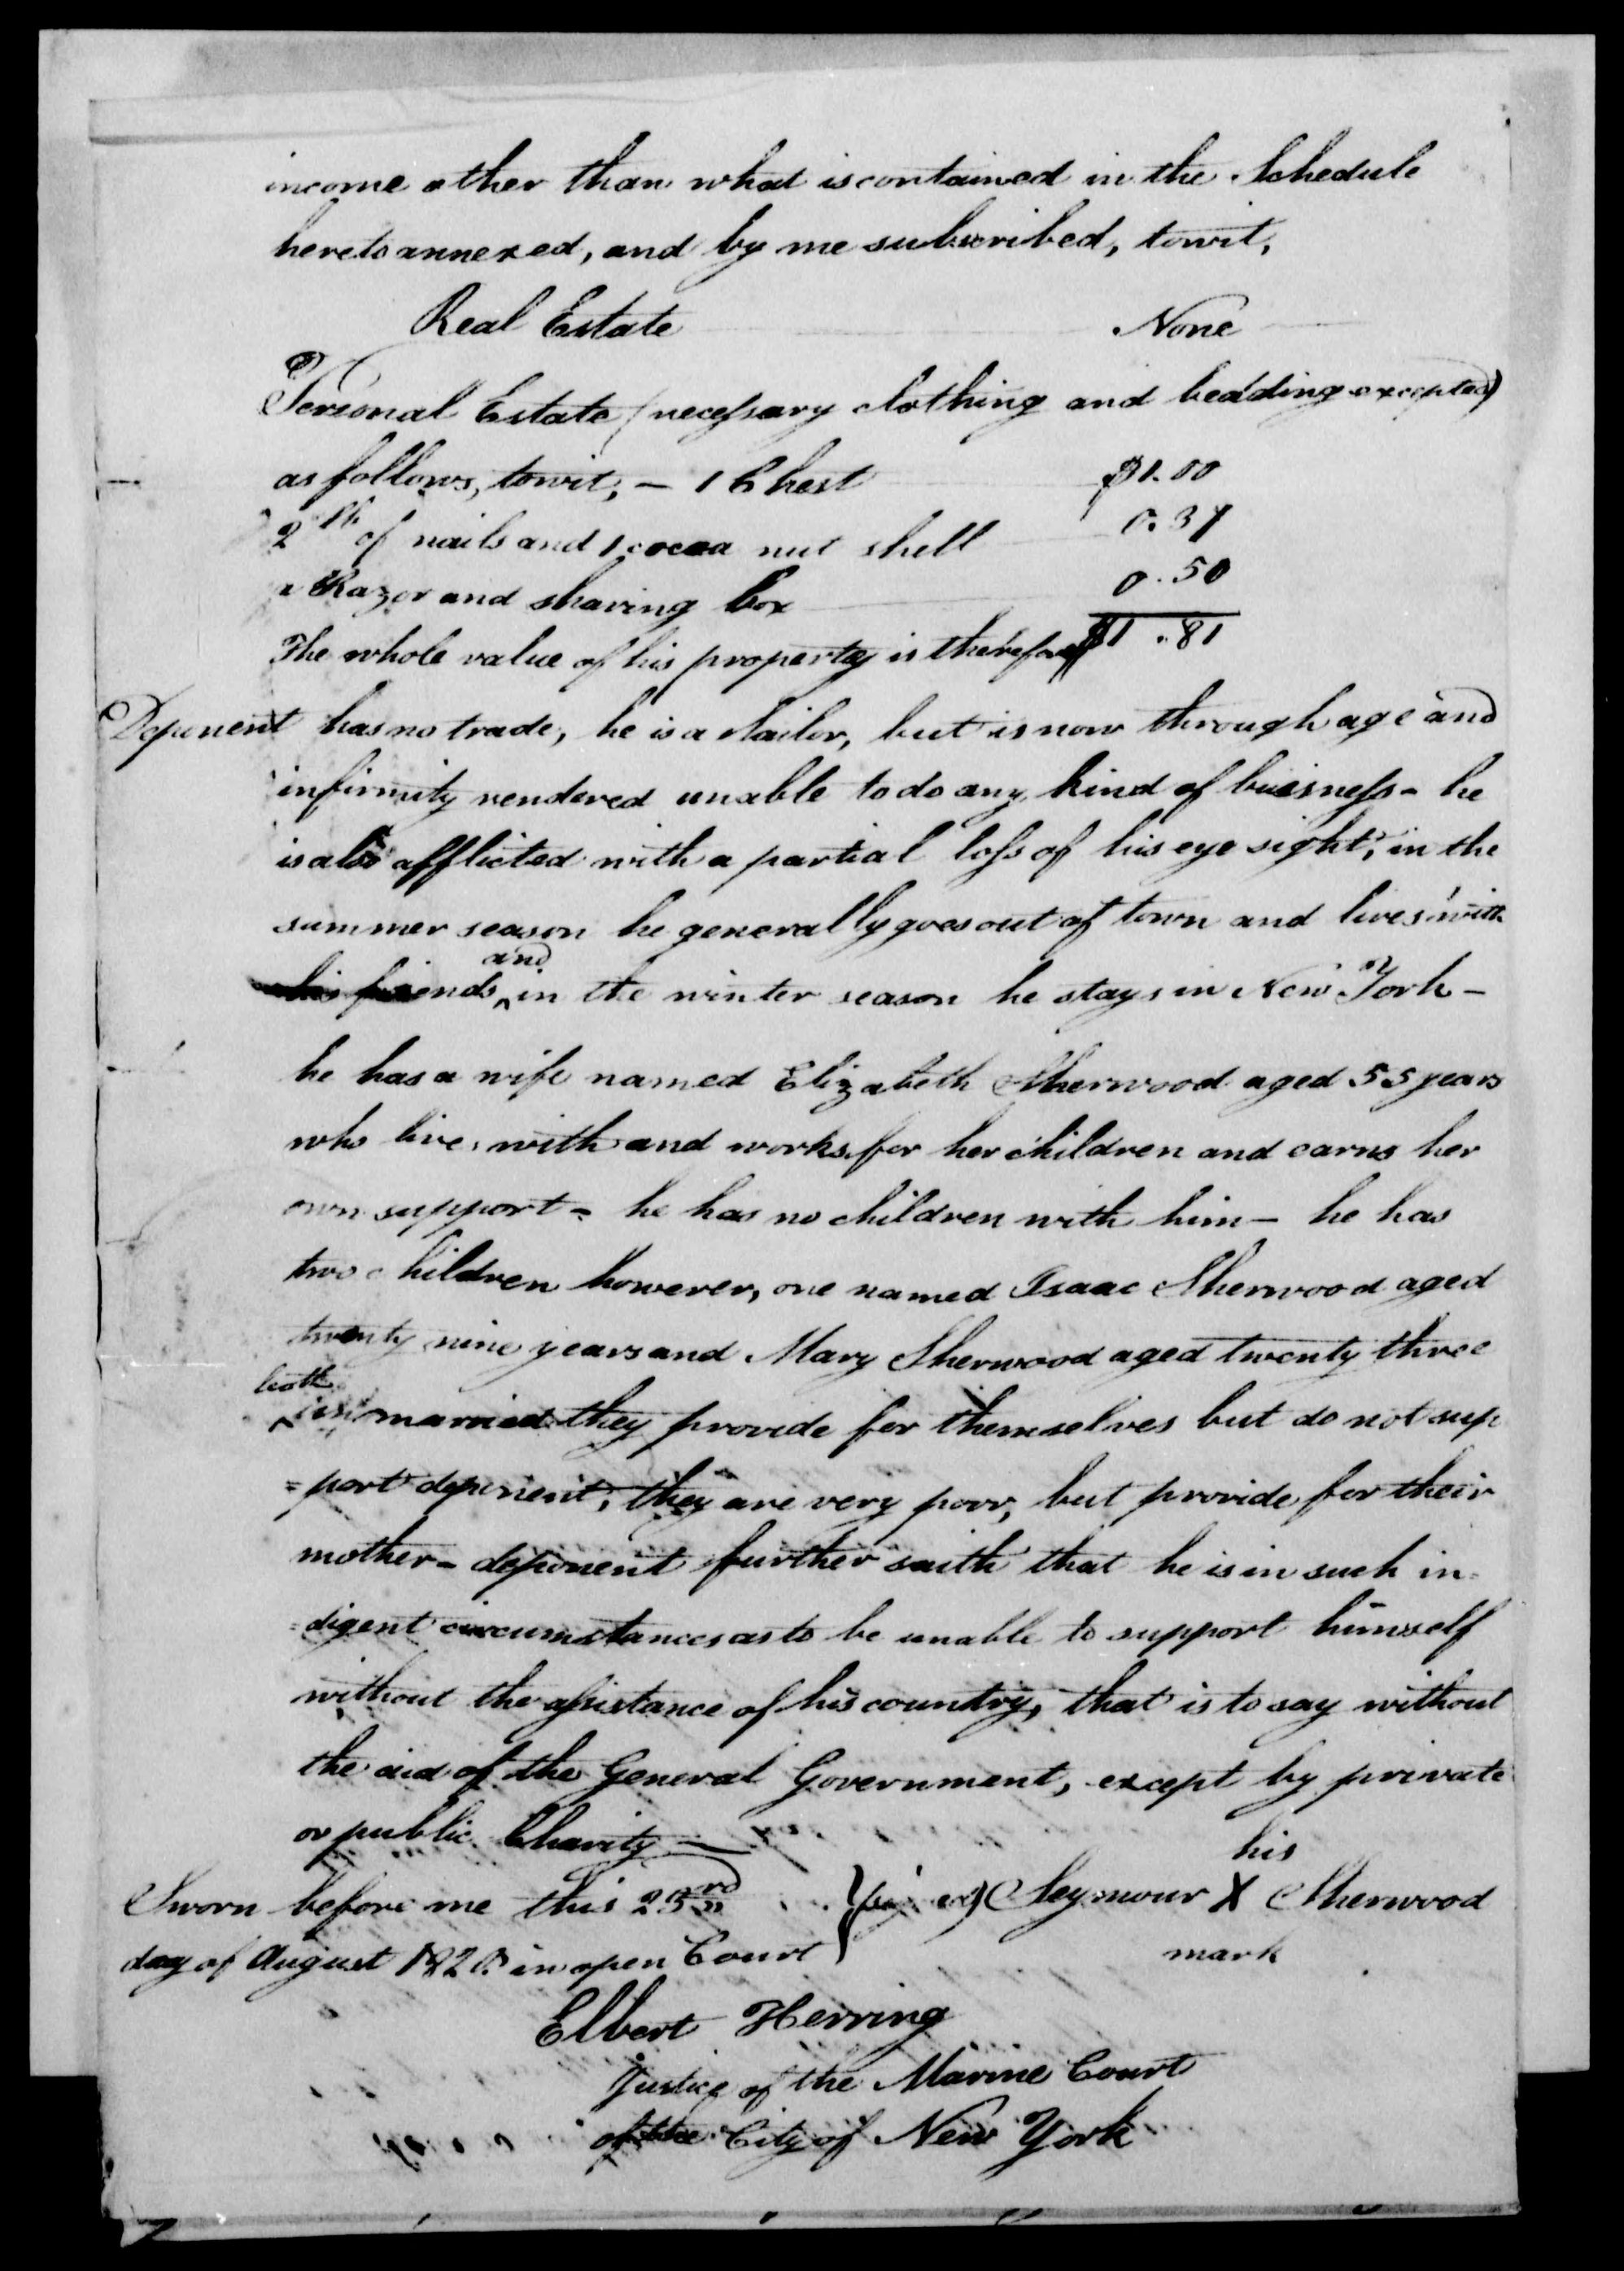income other than what is contained in the schedule hereto annexed and by me subscribed, to wit

Real Estate   None

Personal Estate - (necessary clothing and bedding exempt) 
as follows, to wit, 1 chest - $1.00
? of nails and 1 cocoa nut shell - 0.31
a Razor and shaving box     - 0.50
___________________________________
The whole value of his property is therefore $1.81

Deponent has no trade, he is a Sailor, but is now through age and infirmity rendered unable to do any kind of business - he is also afflicted with a partial loss of his eye sight; in the summer season he generally goes out of town and lives with his friends and in the winter he stays in New York  - he has a wife named Elizabeth Sherwood aged 55 years who lives with and works for  her children and earns her own support - he has no children with him  - he has two children however named Isaac Sherwood aged twenty nine years and Mary Sherwood aged twenty three both married they provide for themselves but do not support deponent; they are very poor, but provide for their mother - deponent further saith that he is in such indigent circumstances as to be unable to support himself without the assistance of his country, that is to say without the aid of the General Government, except by private or public charity.

Seymour Sherwood 
(his mark)

Sworn before me this 25th
day of August 1820 in open court

Elbert Herring
Justice of the Marine Court
of the City of New York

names: Elbert Herring; Elizabeth Sherwood; Isaac Sherwood; Mary Sherwood; Seymour Sherwood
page: 6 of 30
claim: survivor's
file: S. 42289, for Seymore Sherwood, Connecticut